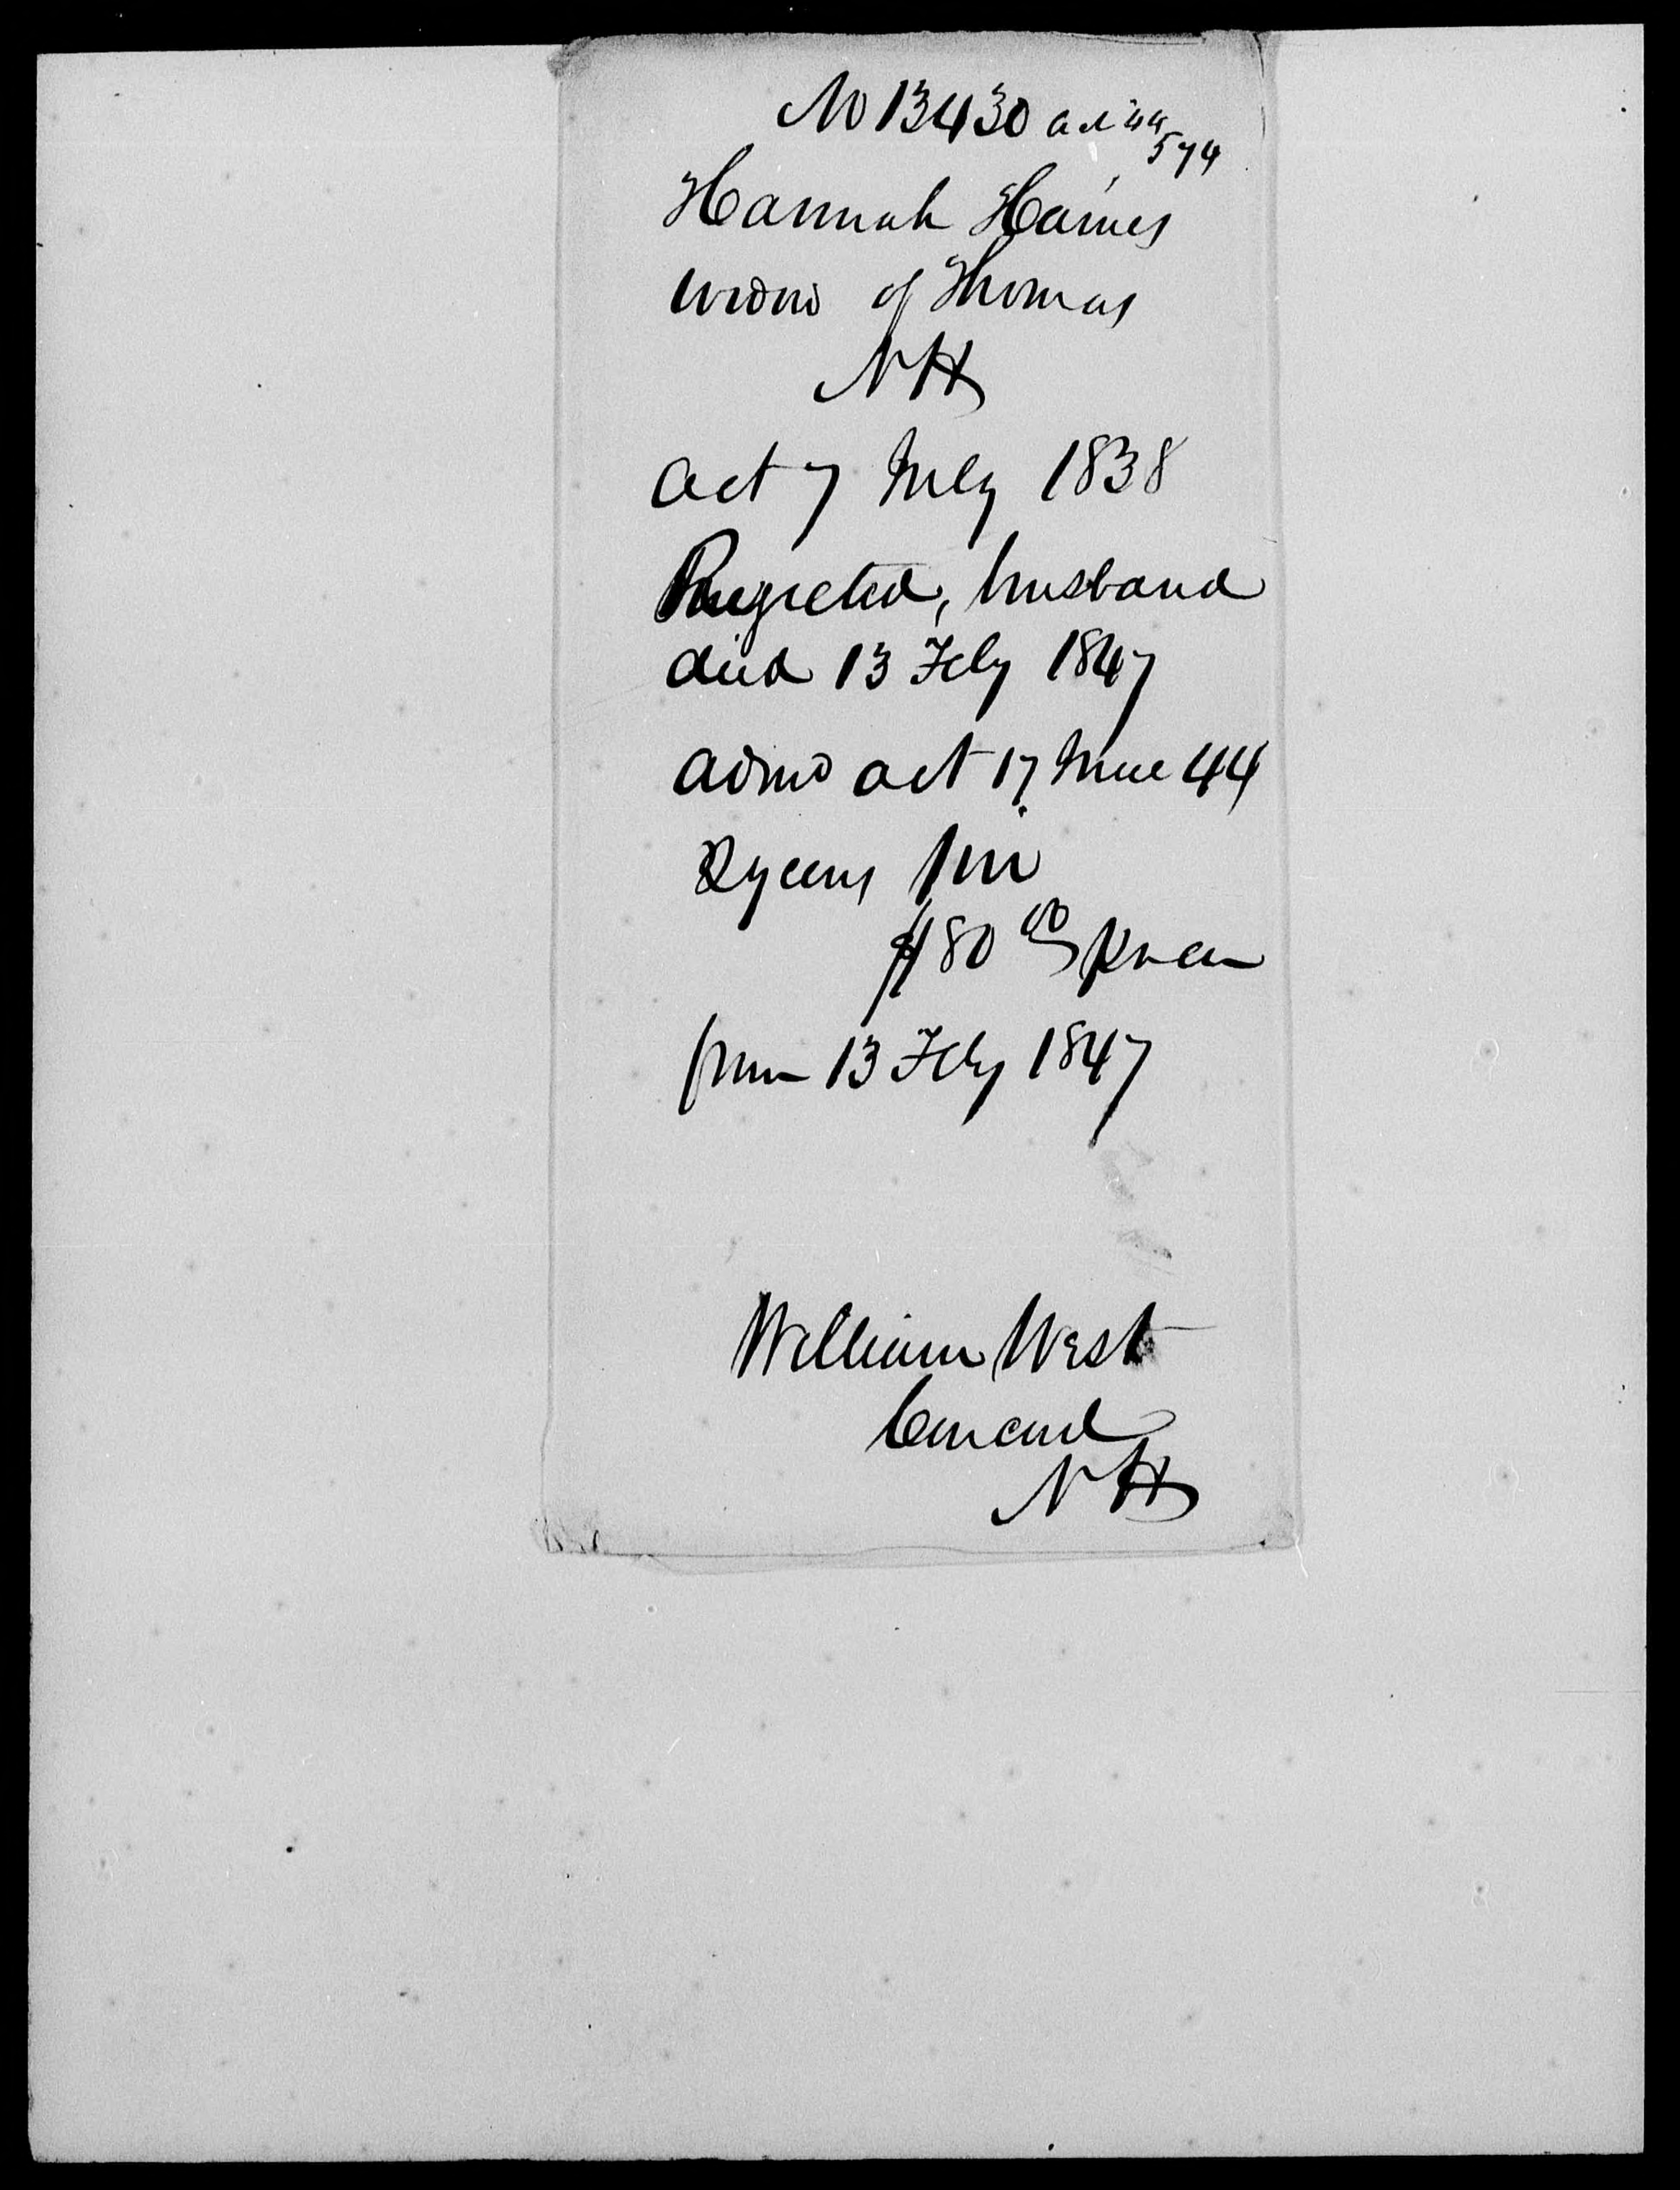No 13430 Act ‘44 574

Hannah Haines
Wi[d]ow of Thomas
NH
Act of July 1838
Rejected, husband
Died 13 Feby 1847
Admd act 17 June 44
? Lycens   /in
$180.00 per annum
From 13 Feby 1847

William West
Concord
NH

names: William West, Thomas Haines, Hannah Haines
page: 30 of 57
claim: widow's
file: W. 23217, Thomas Haines, N H